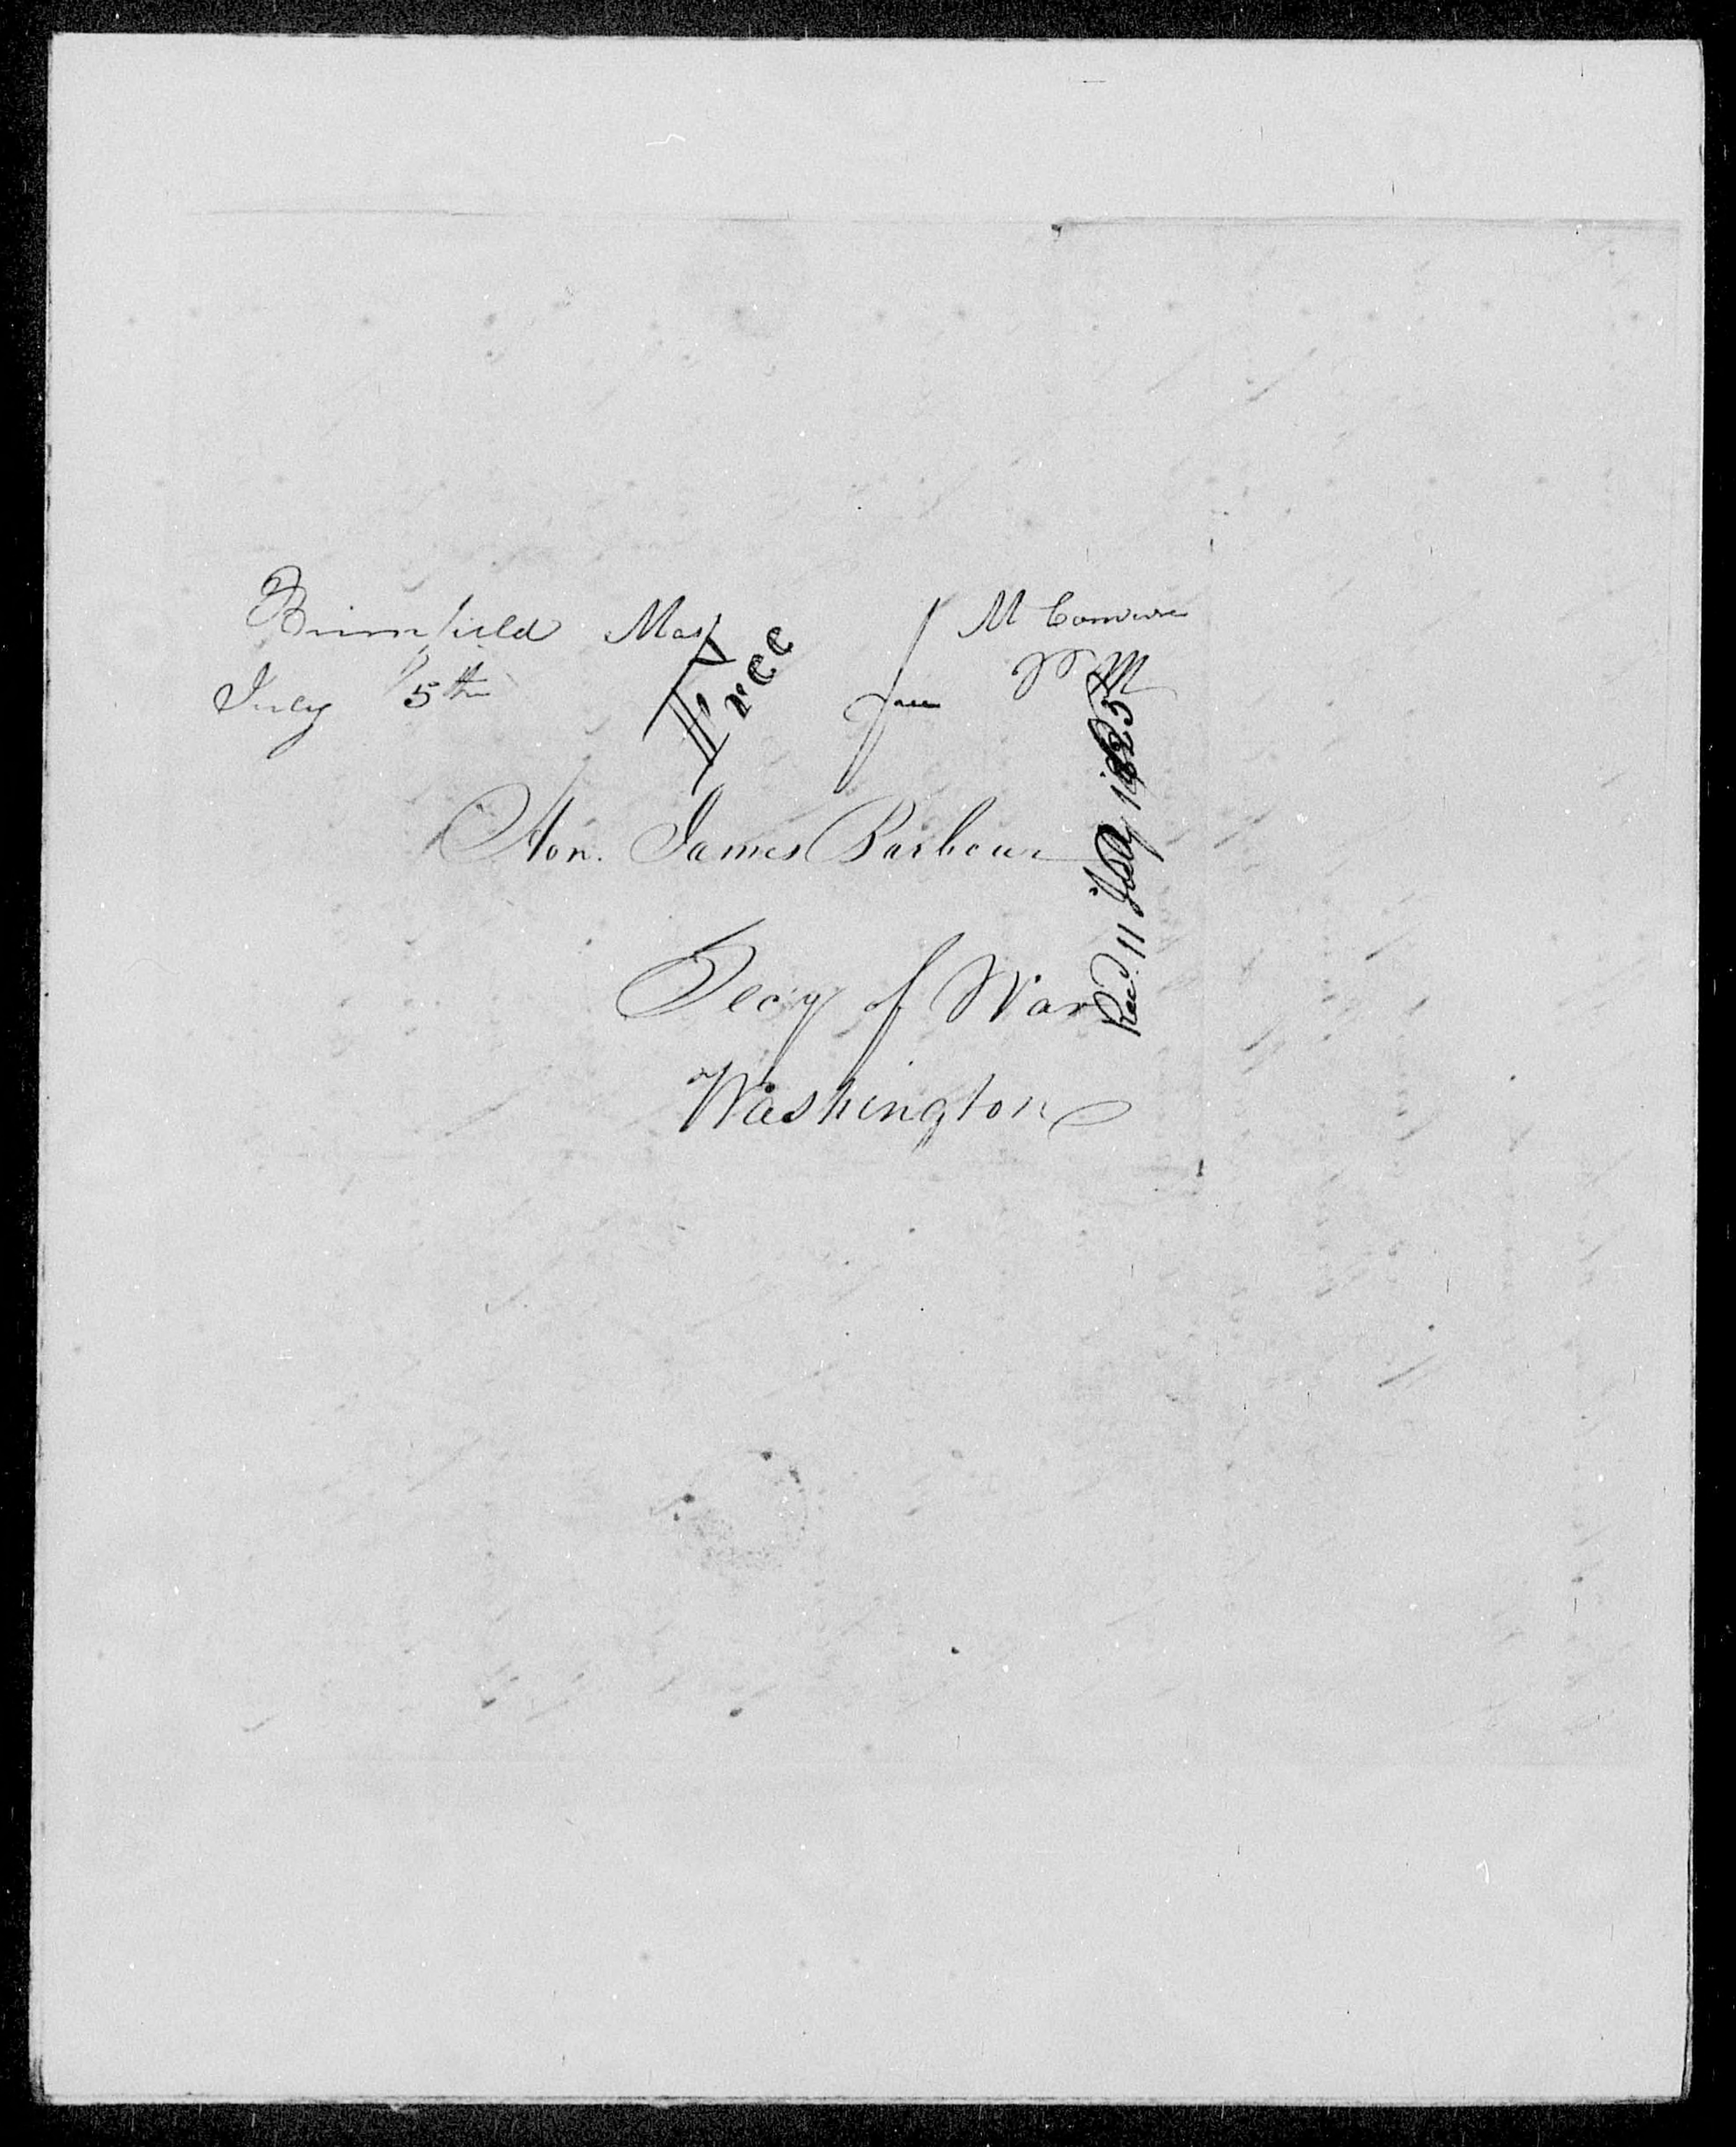Brimfield Mass
July 5th

FREE

Hon. James Barbour
Secy of War
Washington

Recd 11 July 1825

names: James Barbour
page: 26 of 31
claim: survivor's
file: S. 34,839, Thomas Fay, Mass.